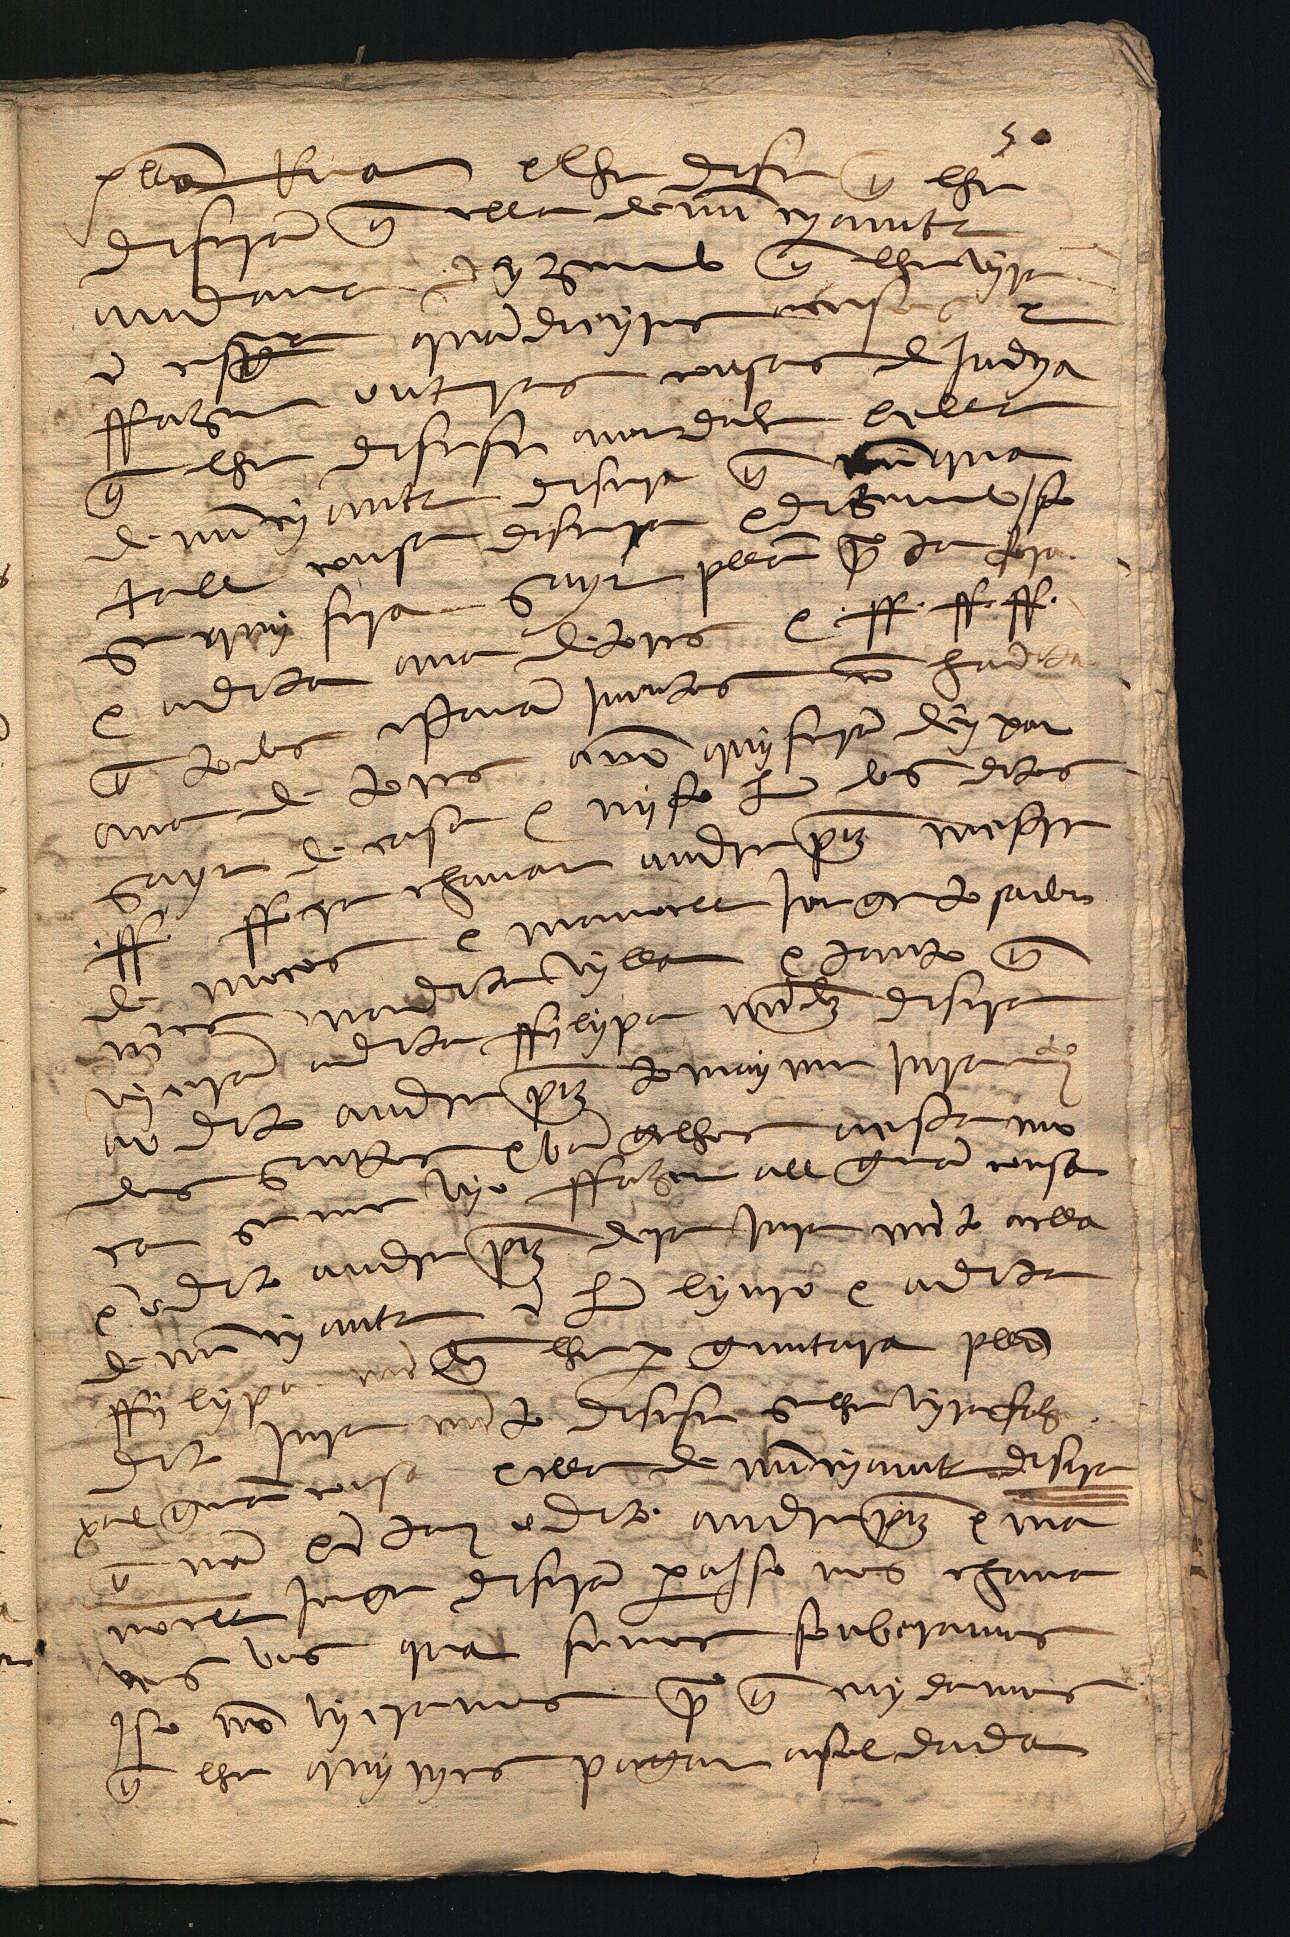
pl̄la Rua e lhe dise q̄ lhe
diserā q̄ ella denūcyamte
andaua dyzendo q̄ lhe vyra
ē esgra quādieyros acesos e
ffazer outras cousas de Judya
q̄ lhe disese a uerdade e ella
denūcyante disera q̄ nūqua
tall cousa disera e dizendo Jsto
se quysera sayr pllā p̄ota fora
e a dita ana de tores e .ff. ff. ff.
q̄ todos estauā Jumtos c̄o ha dita
ana de tores a n̄o quyserā deyxar
sayr de casa e nysto hū dos ditos
.ff. ffora chamar andre p̄iz mestre
de mocos e manoell Jorge tosador
mres na dita vylla e tanto q̄
vyerā a dita ffylypa mēdez disera
ao dito andre p̄iz tomay me Juramto
dos santos evāgelhos a esta mo
ça se me vyo ffazer allguā cousa
e o dito andre p̄iz dera Juramēto a ella
denūcyante ē hū lyuro e a dita
ffylypa mēdez lhe ꝑguntara pellō
dito Juramēto disese se lhe vyra fazer
alguā cousa e ella denūcyamte disera
q̄ nā e ētam o dito andre p̄iz e ma
noell Jorge diserā ꝑa Jso nos chama
ves vos qua se nos souberamos
Jso n̄o vyeramos p̄oq̄ cuydamos
q̄ lhe quyryes pagar a soldada
